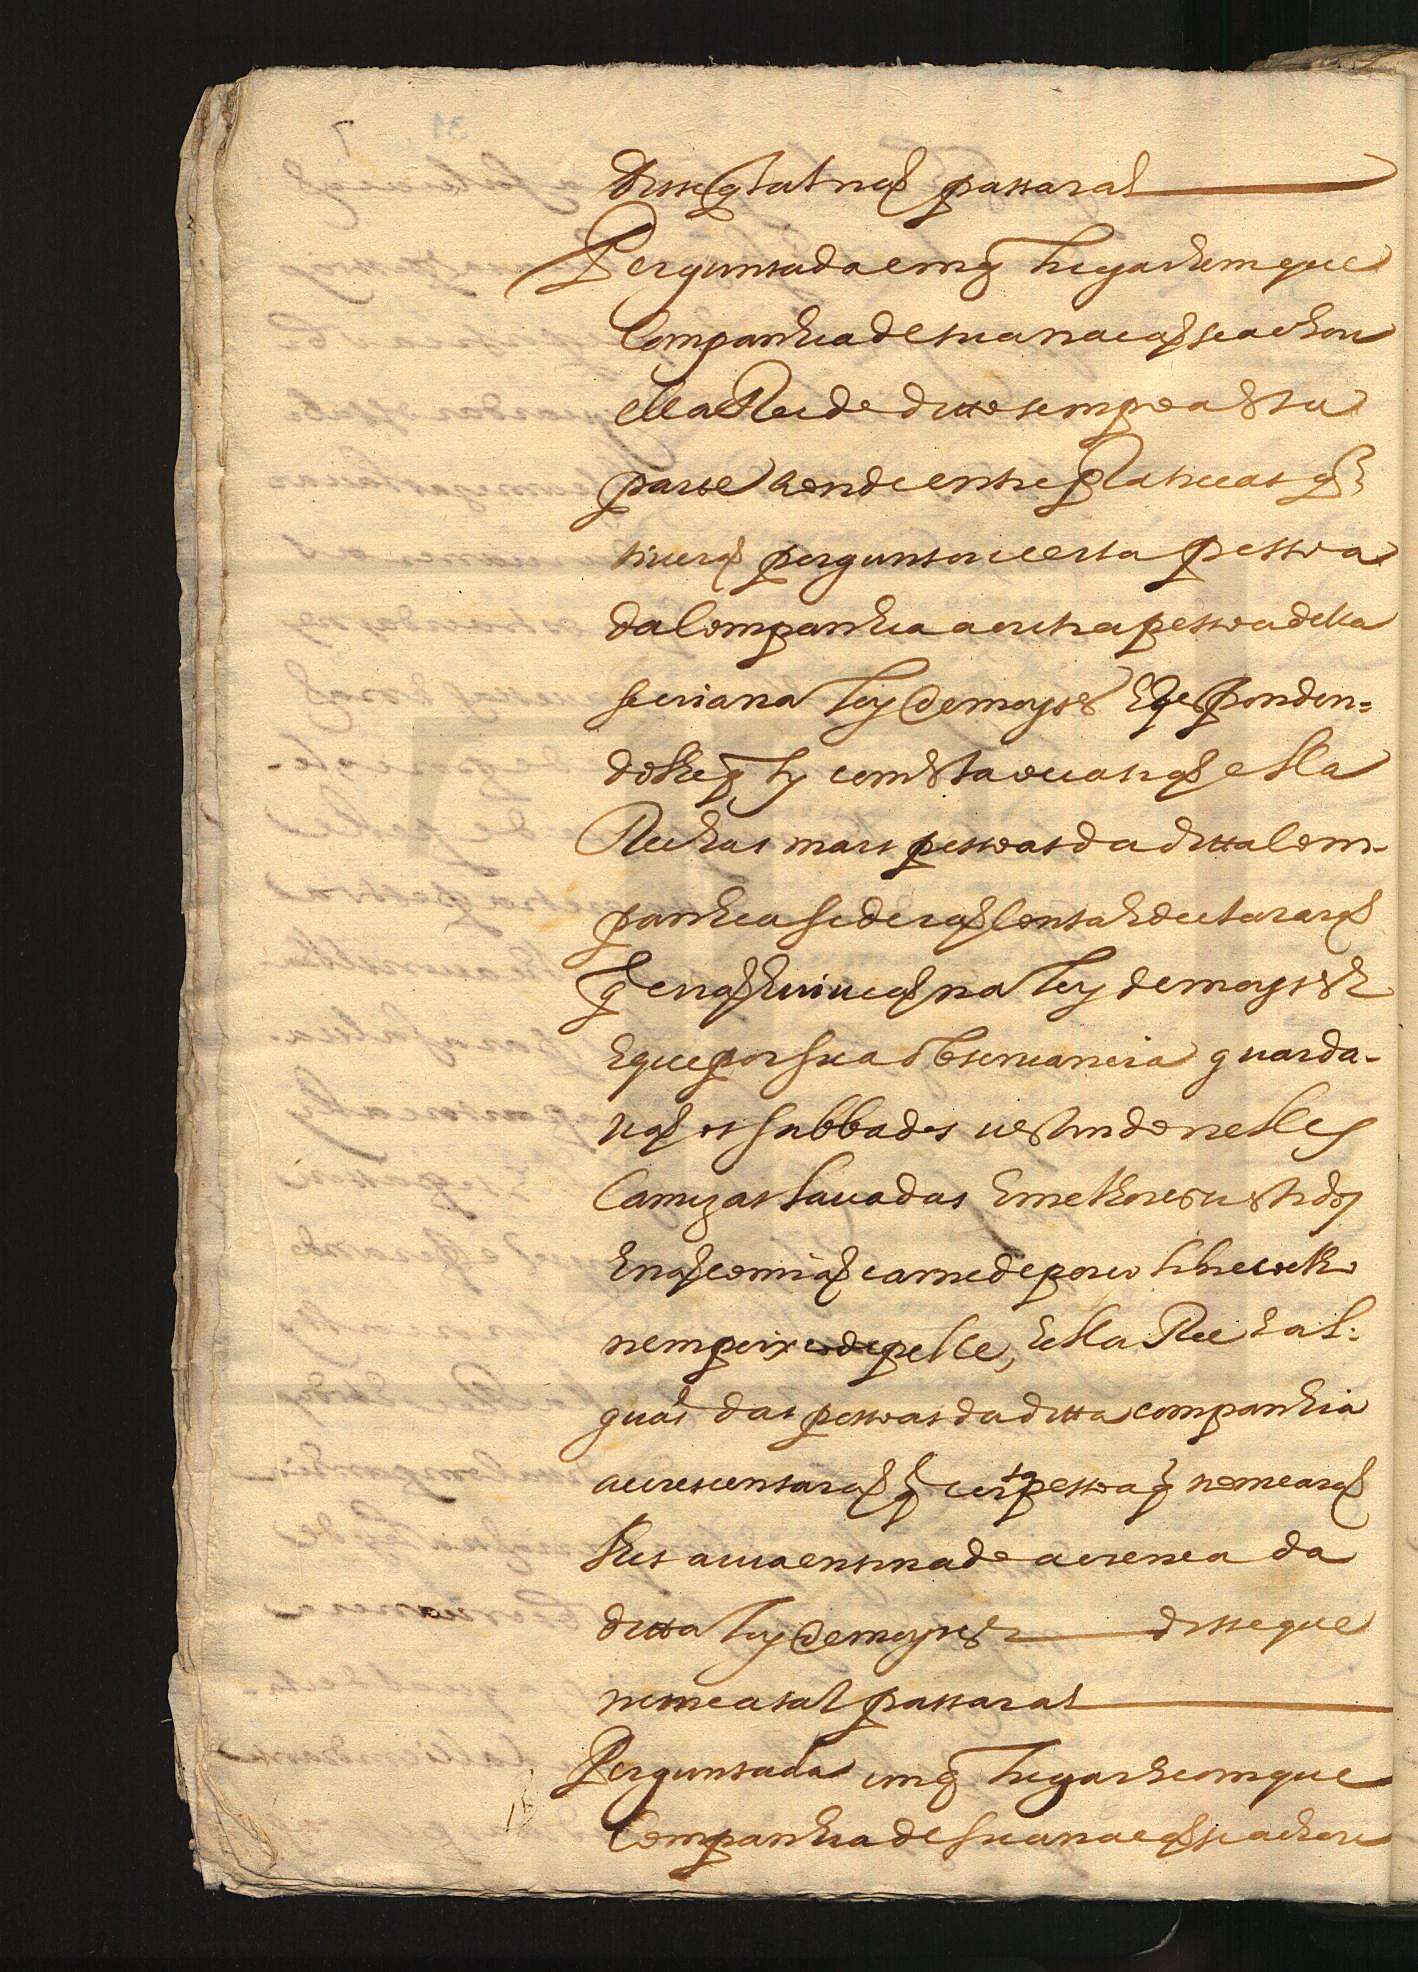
Disse q̄ tal naõ passaraL
Perguntada em q̄ lugar E em que
Companhia de sua nacaõ se achou
ella Ree do ditto tempo a esta
parte aonde entre pRaticas q̄
tiueraõ perguntou certa pessoa
da Companhia a outra pessoa della
se cria na ley de moyses E Responden
dolhe q̄ sy com esta occasiaõ ella
Ree E as mais pessoas da ditta com
panhia se deraõ conta E declararaõ
q̄ criaõ E uiuiaõ na ley de moyses
E que por sua obseruancia guarda
uaõ os sabbados uestindo nelles
Camizas lauadas E melhores uestidos
E naõ comiaõ carne de porco lebre coelho
nem peixe de pelle, E ella Ree E al
guas̄ das pessoas da ditta companhia
accrescentaraõ q̄ certa pessoa q̄ nomearaõ
lhes auia ensinado a crenca da
ditta ley de moyses
disse que
nunca tal passaraL
Perguntada em q̄ lugar E com que
Companhia de sua nacaõ se achou
